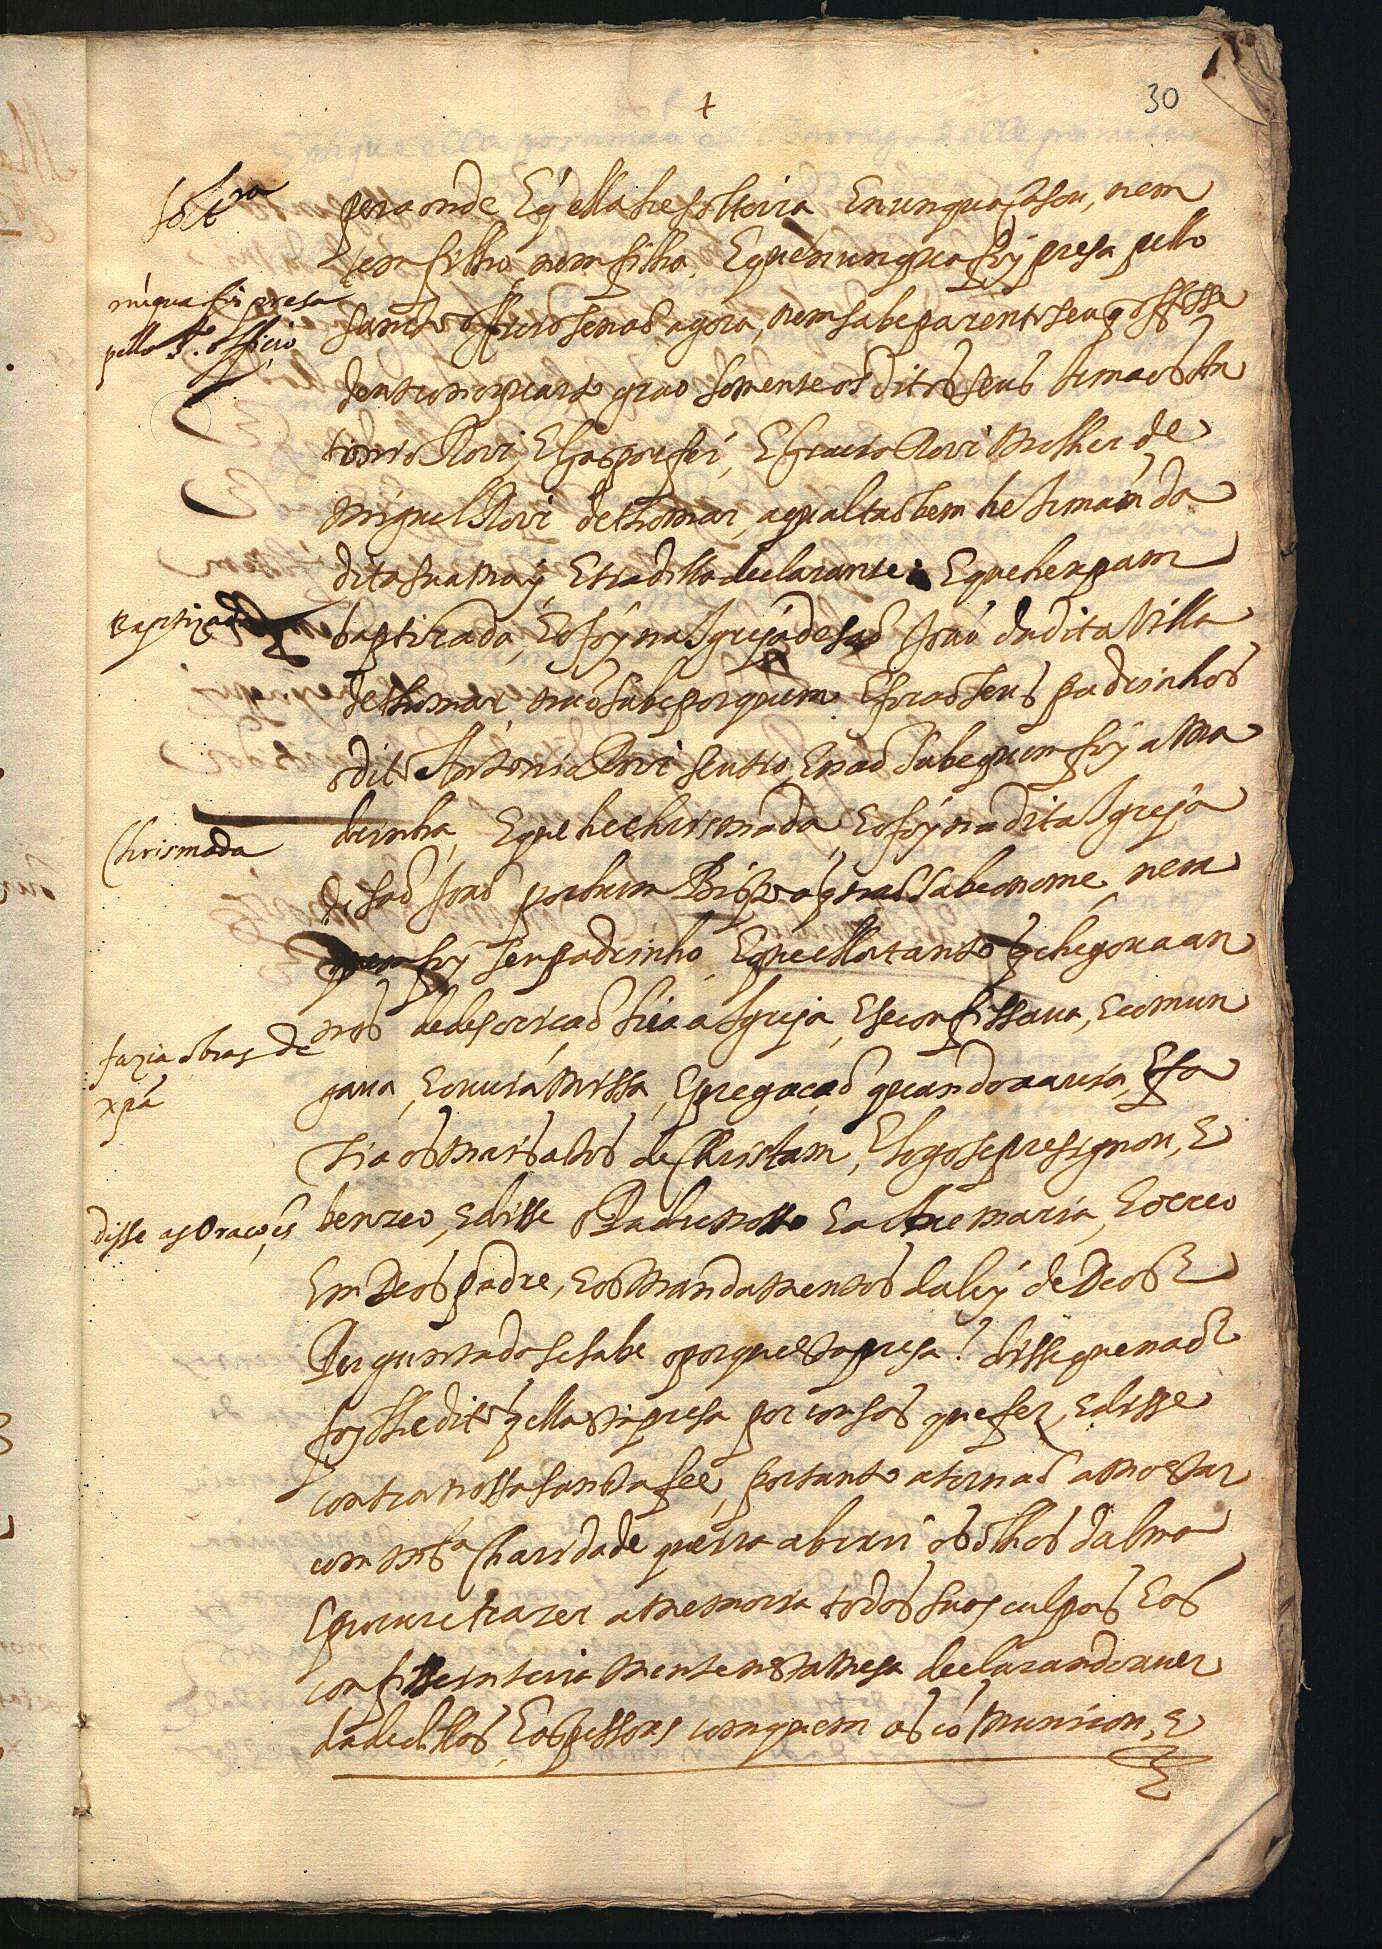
pera onde E q̄ ella he solteira E nunqua Casou, nem
tem filho, nem filha. E que nunqua foy presa pello
sancto officio senaõ agora, nem sabe parente seu q̄ o ffosse
dentro no quarto grao somente os ditos seus Irmaõs An
tonio Roiz, E Gaspar frz̄, E Gracia Roiz Molher de
miguel Roiz de thomar, a qual taõbem he Irmãm da
dita sua may, E tia della declarante E que he xpam
baptizada, E o foy na Igreja de saõ Joaõ da dita Villa
de thomar, naõ sabe por quem. E foraõ seus padrinhos
o dito Antonio Roiz seu tio, E naõ sabe quem foy a Ma
drinha, E que he chrismada, E o foy na dita Igreja
de Saõ Joaõ por hum Bispo a q̄ naõ sabe o nome, nem
quem foy seu padrinho, E que ella tanto q̄ chegou a an
nos de deserçaõ hia a Igreja, E se confessaua, E comun
gaua, E ouuia missa, E pregaçaõ quando a auia, E fa
zia os mais actos de Christam, E logo se presignou, E
benzeo, E disse o Padre nosso E a Aue maria, E o creo
Em Deos padre, E os mandamentos da ley de Deos
Perguntado se sabe o porque esta presa? disse que naõ
foy lhe dito q̄ ella esta presa por cousas que fez, E disse
contra nossa sancta fee, portanto a tornaõ amoestar
com mta Charidade queira abrirr os olhos dalma
E procure trazer a memoria todas suas culpas E as
confesse inteiramente nesta mesa declarando a uer
dade dellas, E as pessoas com quem as cōmunicou, E
